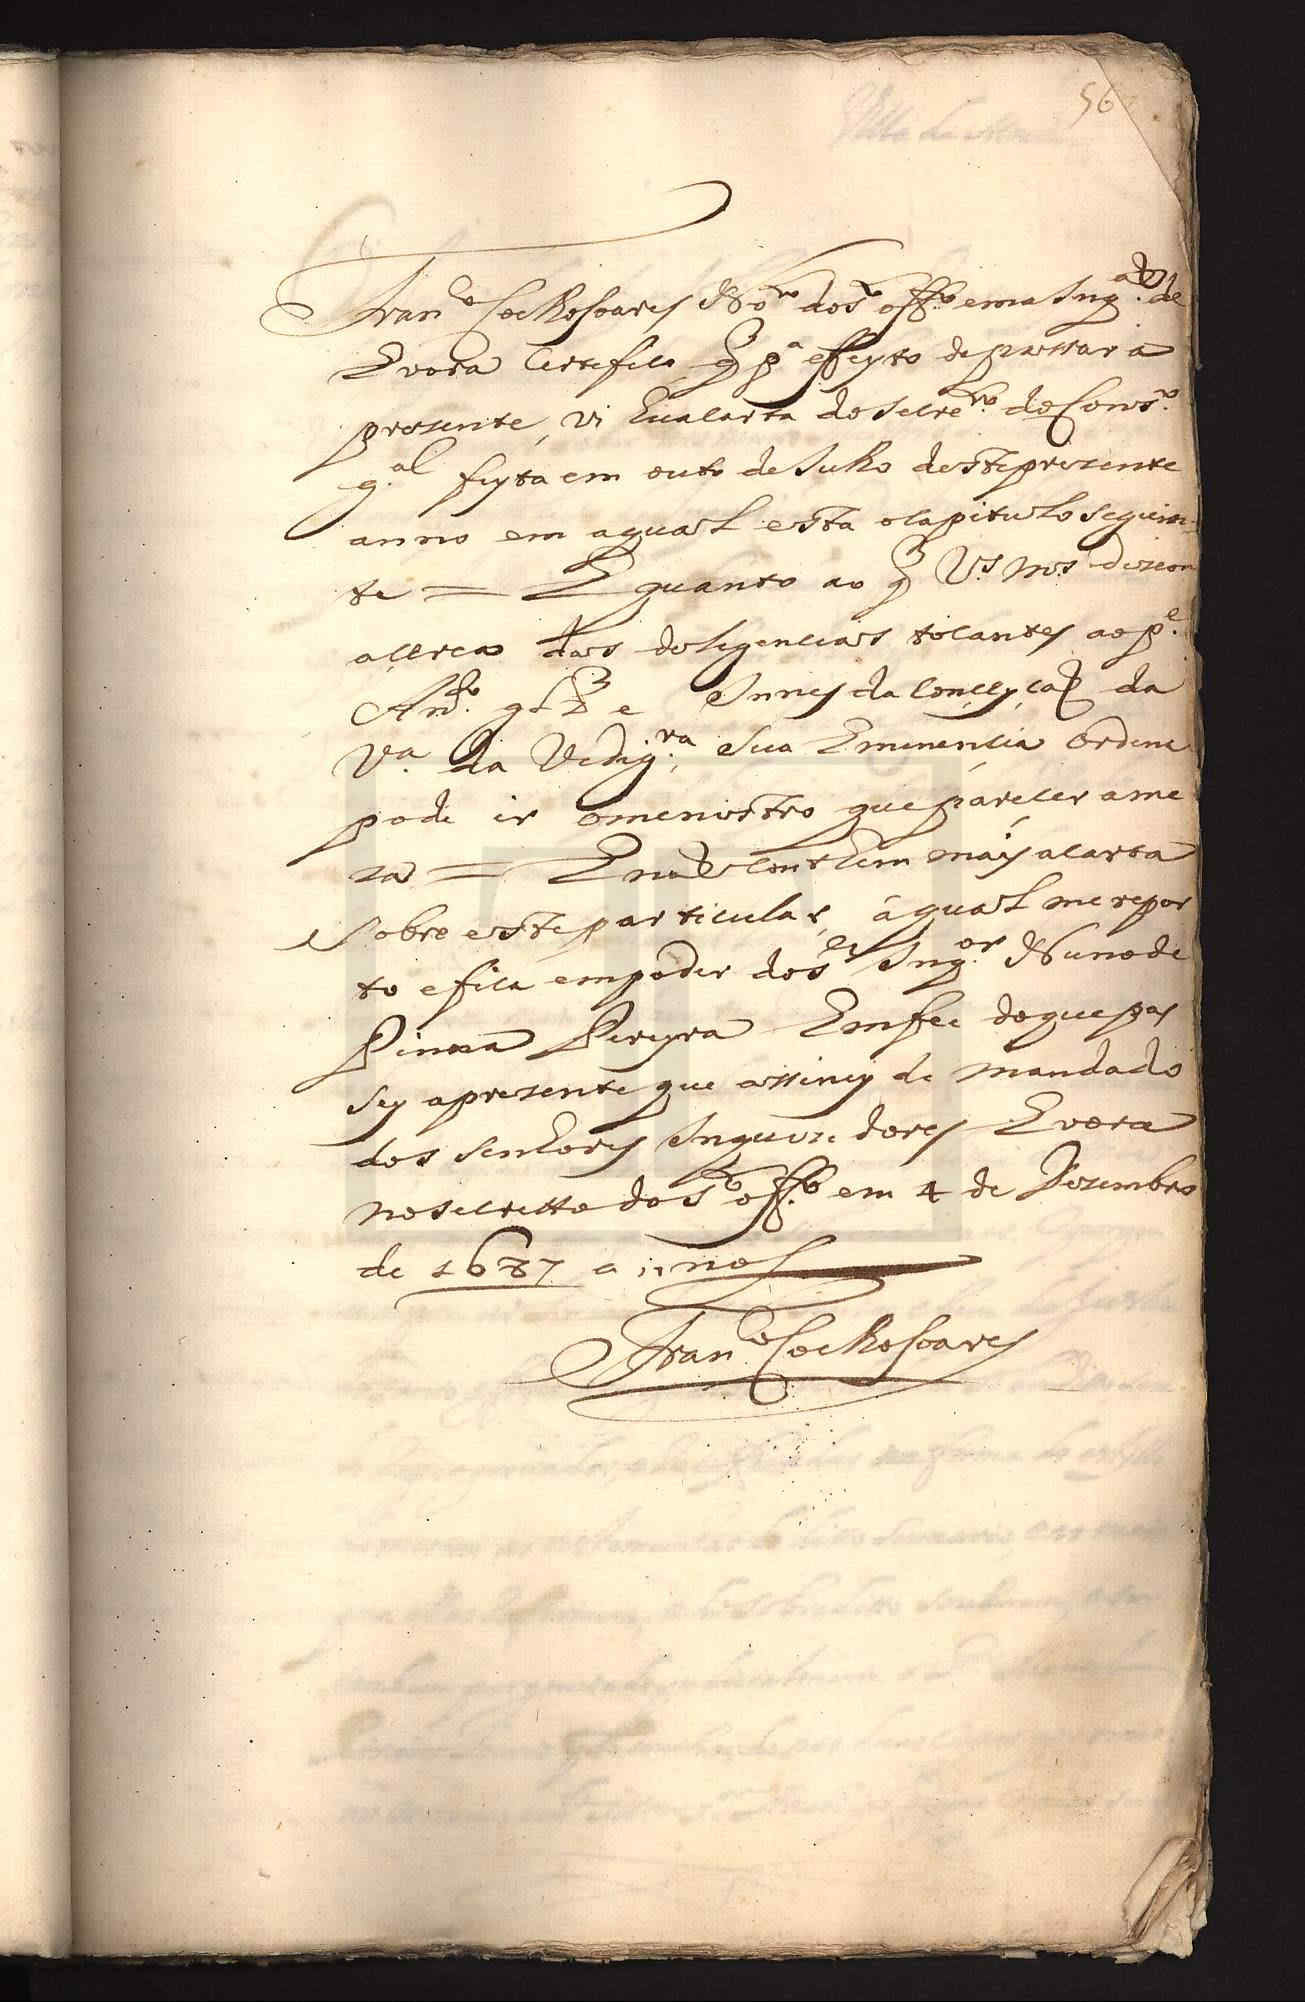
56
Franco Coelho Soares Notro do sto offo em a Inq.aõ de
Evora Certefico q̄ pa effeyto de passar a
prezente, vi hua carta do Secretro. do Cons.o
g.al feyta em outo de Iulho deste prezente
anno em a qual esta o capitulo seguim
te = E quanto ao q̄ V.s m.s dizem
acerca das deligencias tocantes ao p.e
An.to glz̄ e Innes da Conceyçaõ da
V.a da Vidig.ra Sua Eminencia ordena
pode ir o menistro que parecer a me
za = E naõ conthem mais a carta
sobre este particular, á qual me repor
to, e fica em poder do sor Inq.or Nuno de
Pinna Pereyra Em fee do que pas
sey a prezente que assiney de mandado
dos Senhores Inquizidores Evora
no secretto do sto off.o em 4 de Dezembro
de 1687 annos
Franco Coelho Soares
